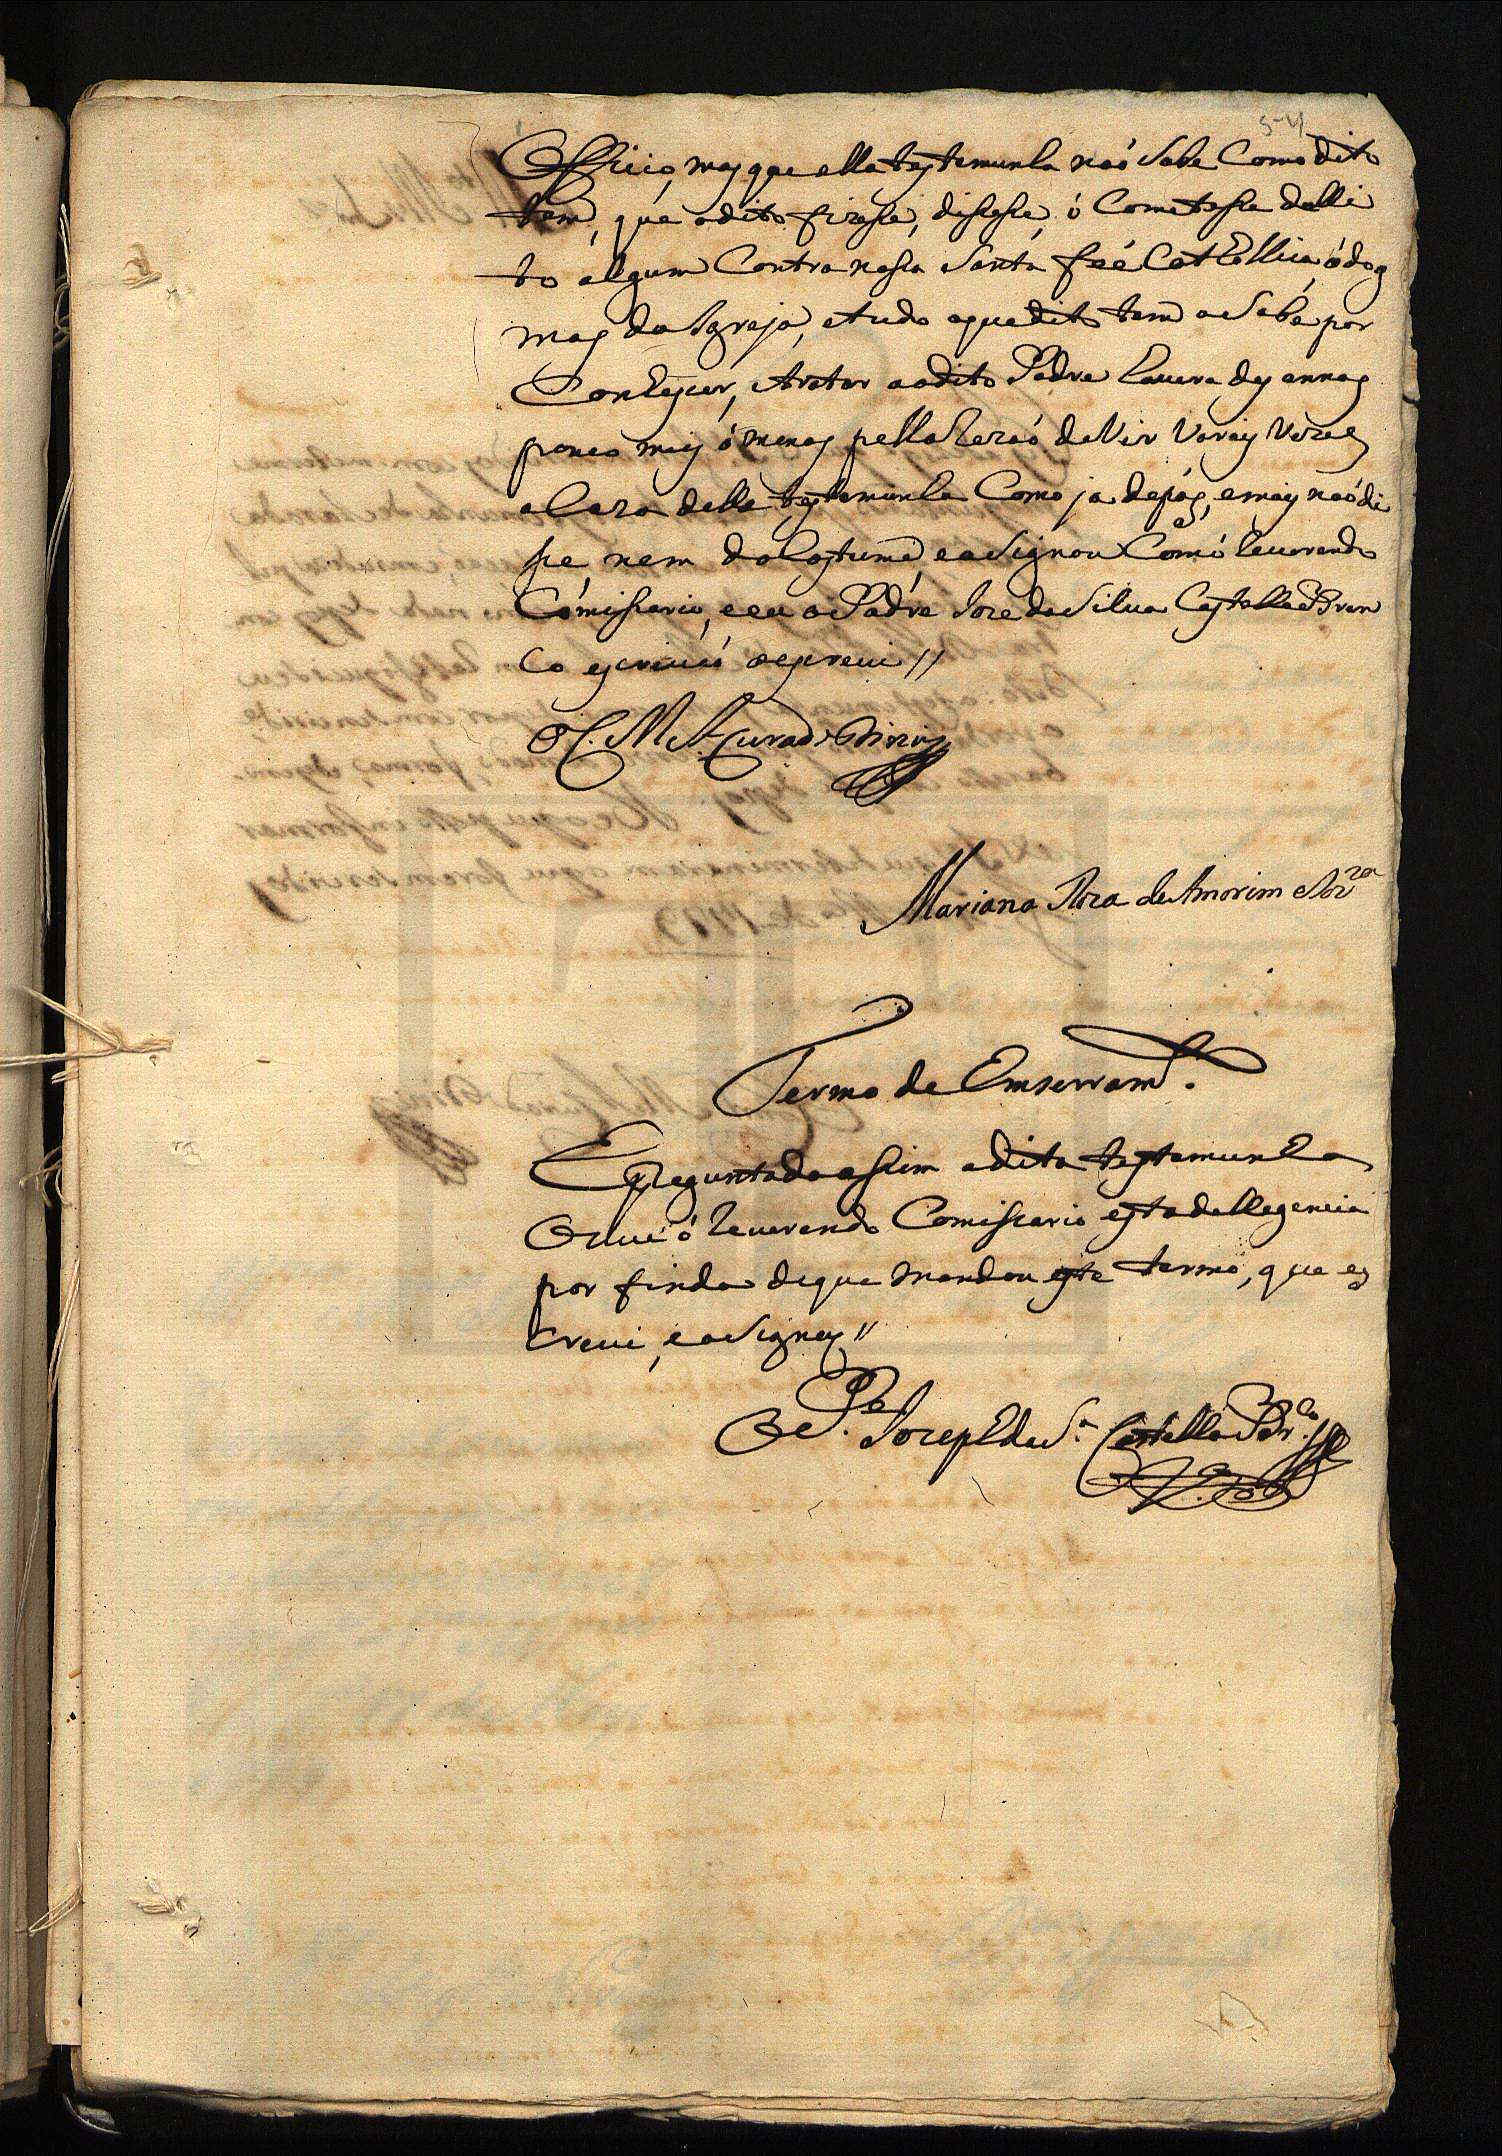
Officio, mas que ella testemunha naõ sabe Como dito
tem, que o dito fizesse, dissesse, ó Cometesse delli
to algum Contra nossa Santa feé Cathollica, ó dog
mas da Igreja, e tudo o que dito tem o sabe por
Conhescer, e tratar ao dito Padre hauera des annos
pouco mais ó menos pella Rezaõ de Vir Varais Vezes
a Caza della testemunha Como ja depós, e mais naõ di
se, nem do Costume, e aSignou Com ó Reuerendo
Comissario, e eu o Padre Ioze de Silua Castello Bran
Co escriuaõ o escreui //
O C. Mel Curado Dinis
Mariana Roza de Amorim e Souza
Termo de Emserram.to
E pReguntada assim a dita testemunha
Ouue o Reuerendo Comissario esta dellegencia
por finda de que mandou este termo, que es
creui, e aSigney //
O P.e Iozeph da S.a Castello Br.co
